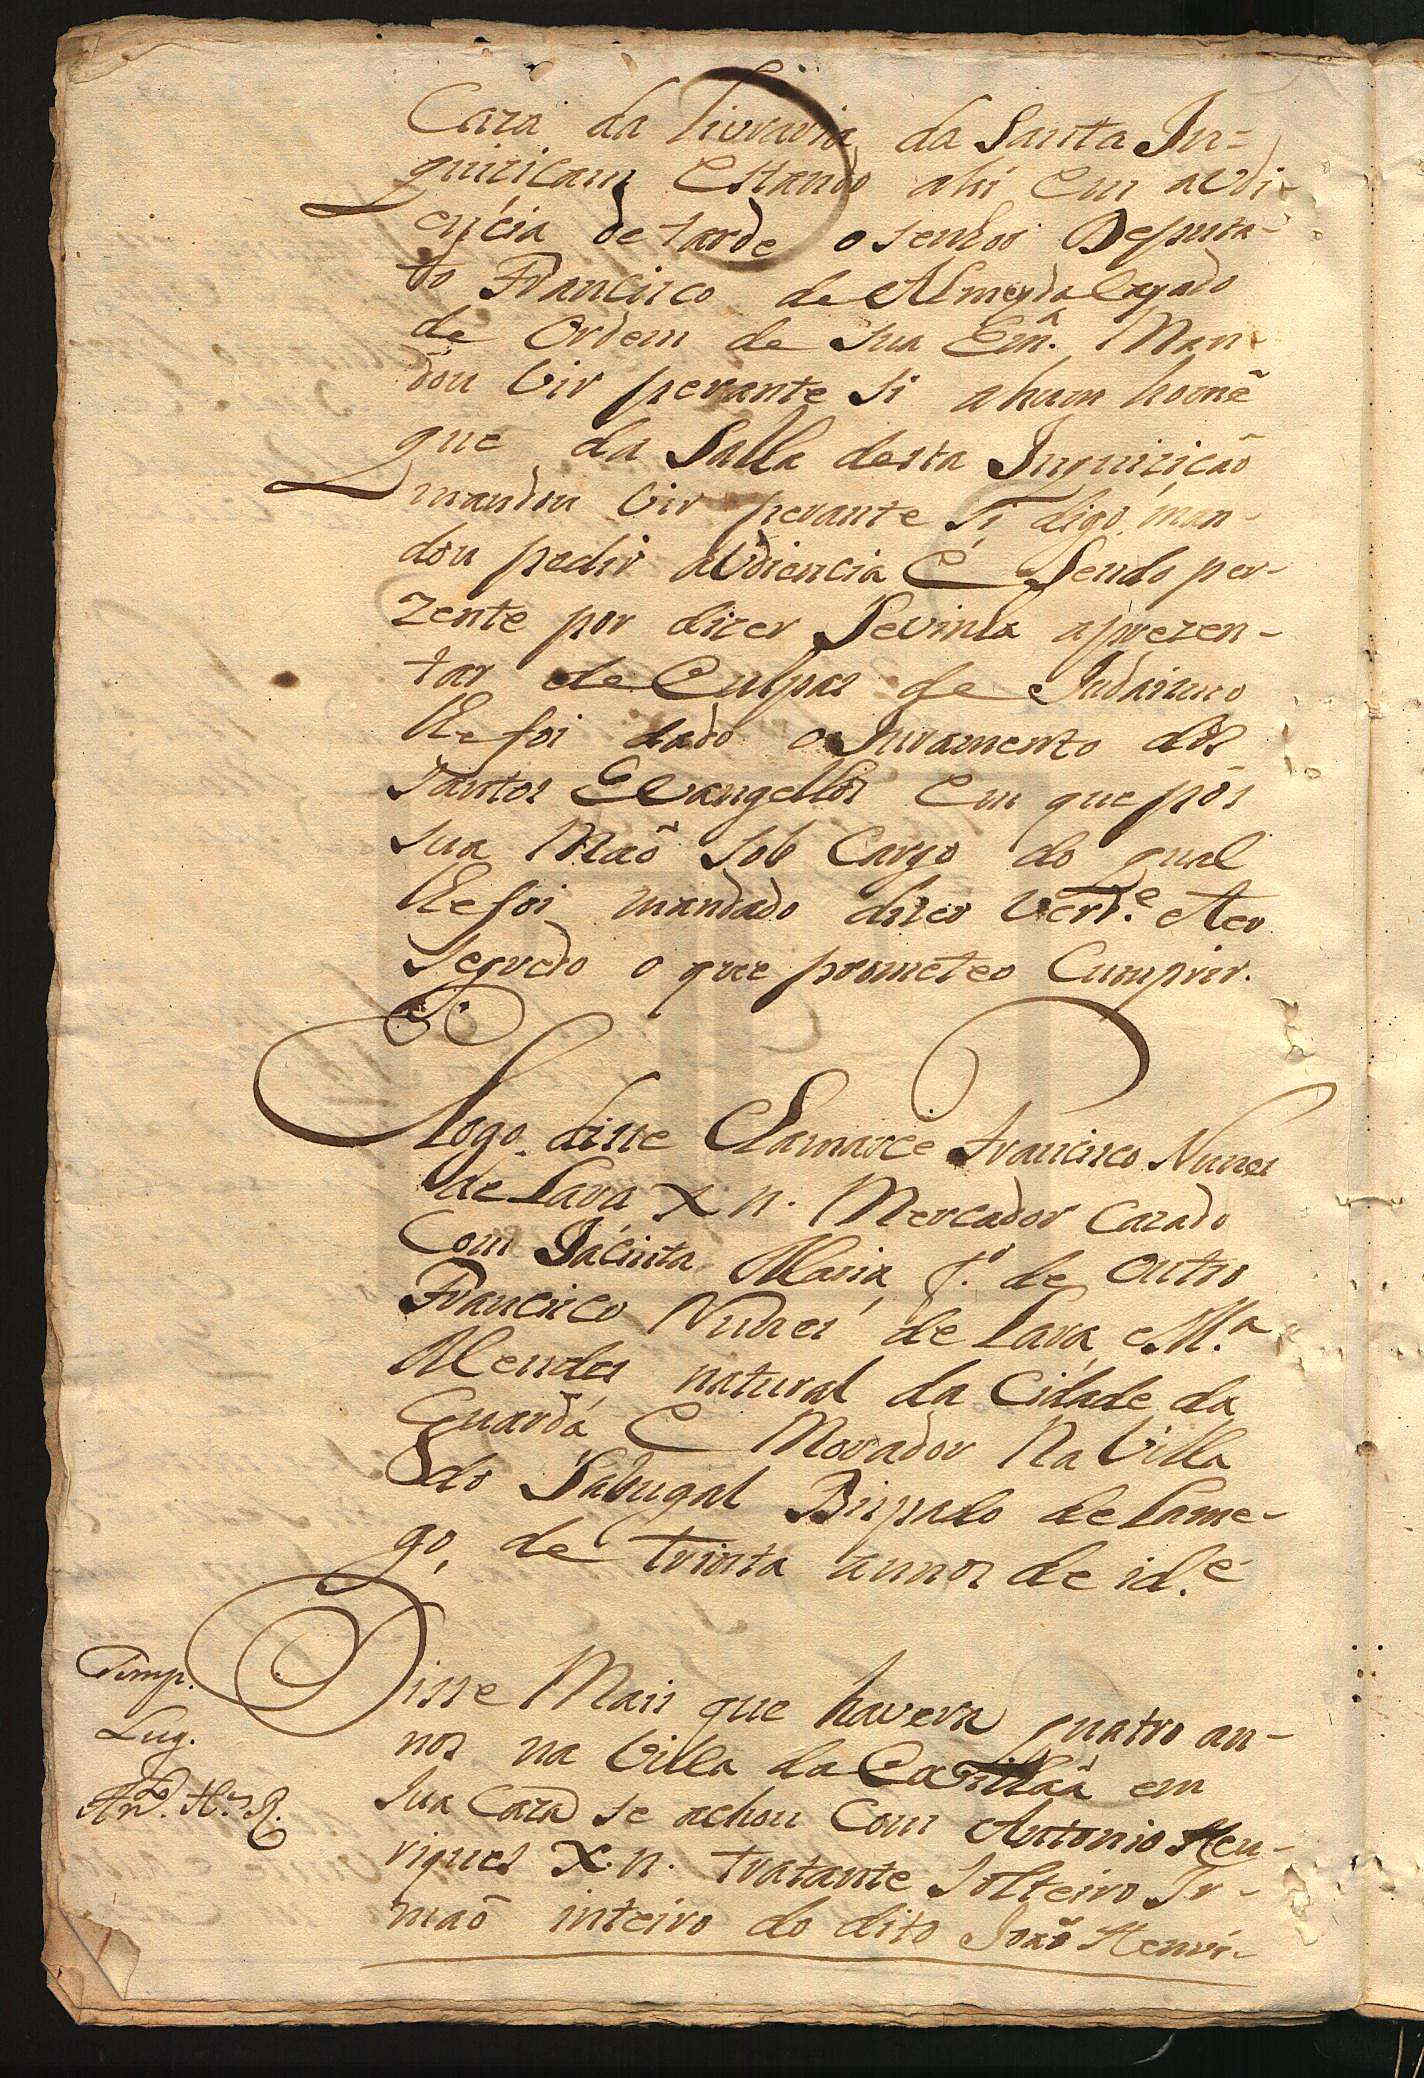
Caza da Livraria da Santa In
quiziçam estando ahi em avdi
encia de tarde o senhor Deputa
do Francisco de Almeyda Cayado
de Ordem de Sua Ema. Man
dou vir perante si a hum homē
que da Salla desta Inquiziçaõ
mandou vir perante si, digo, man
dou pedir avdiencia e sendo per
zente por dizer se vinha aprezen
tar de Culpas de Iudaismo
lhe foi dado o Iuramento dos
santos Evangelhos em que pos
sua maõ sob cargo do qual
lhe foi mandado dizer verd.e e ter
segredo o que prometeo cumprir.
E Logo disse chamarce Francisco Nunes
de Lara xn. Mercador cazado
com Iacinta Maria, f.o de outro
Francisco Nunes de Lara, e M.a
Mendes natural da cidade da
Guarda e Morador Na villa
do Sabugal Bispado de Lame
go, de trinta annos de id.e
Disse Mais que havera quatro an
nos na Villa da Covilhaã em
sua caza se achou com Antonio Hen
riques x.n. tratante solteiro Ir
maõ inteiro do dito Ioão Henri
